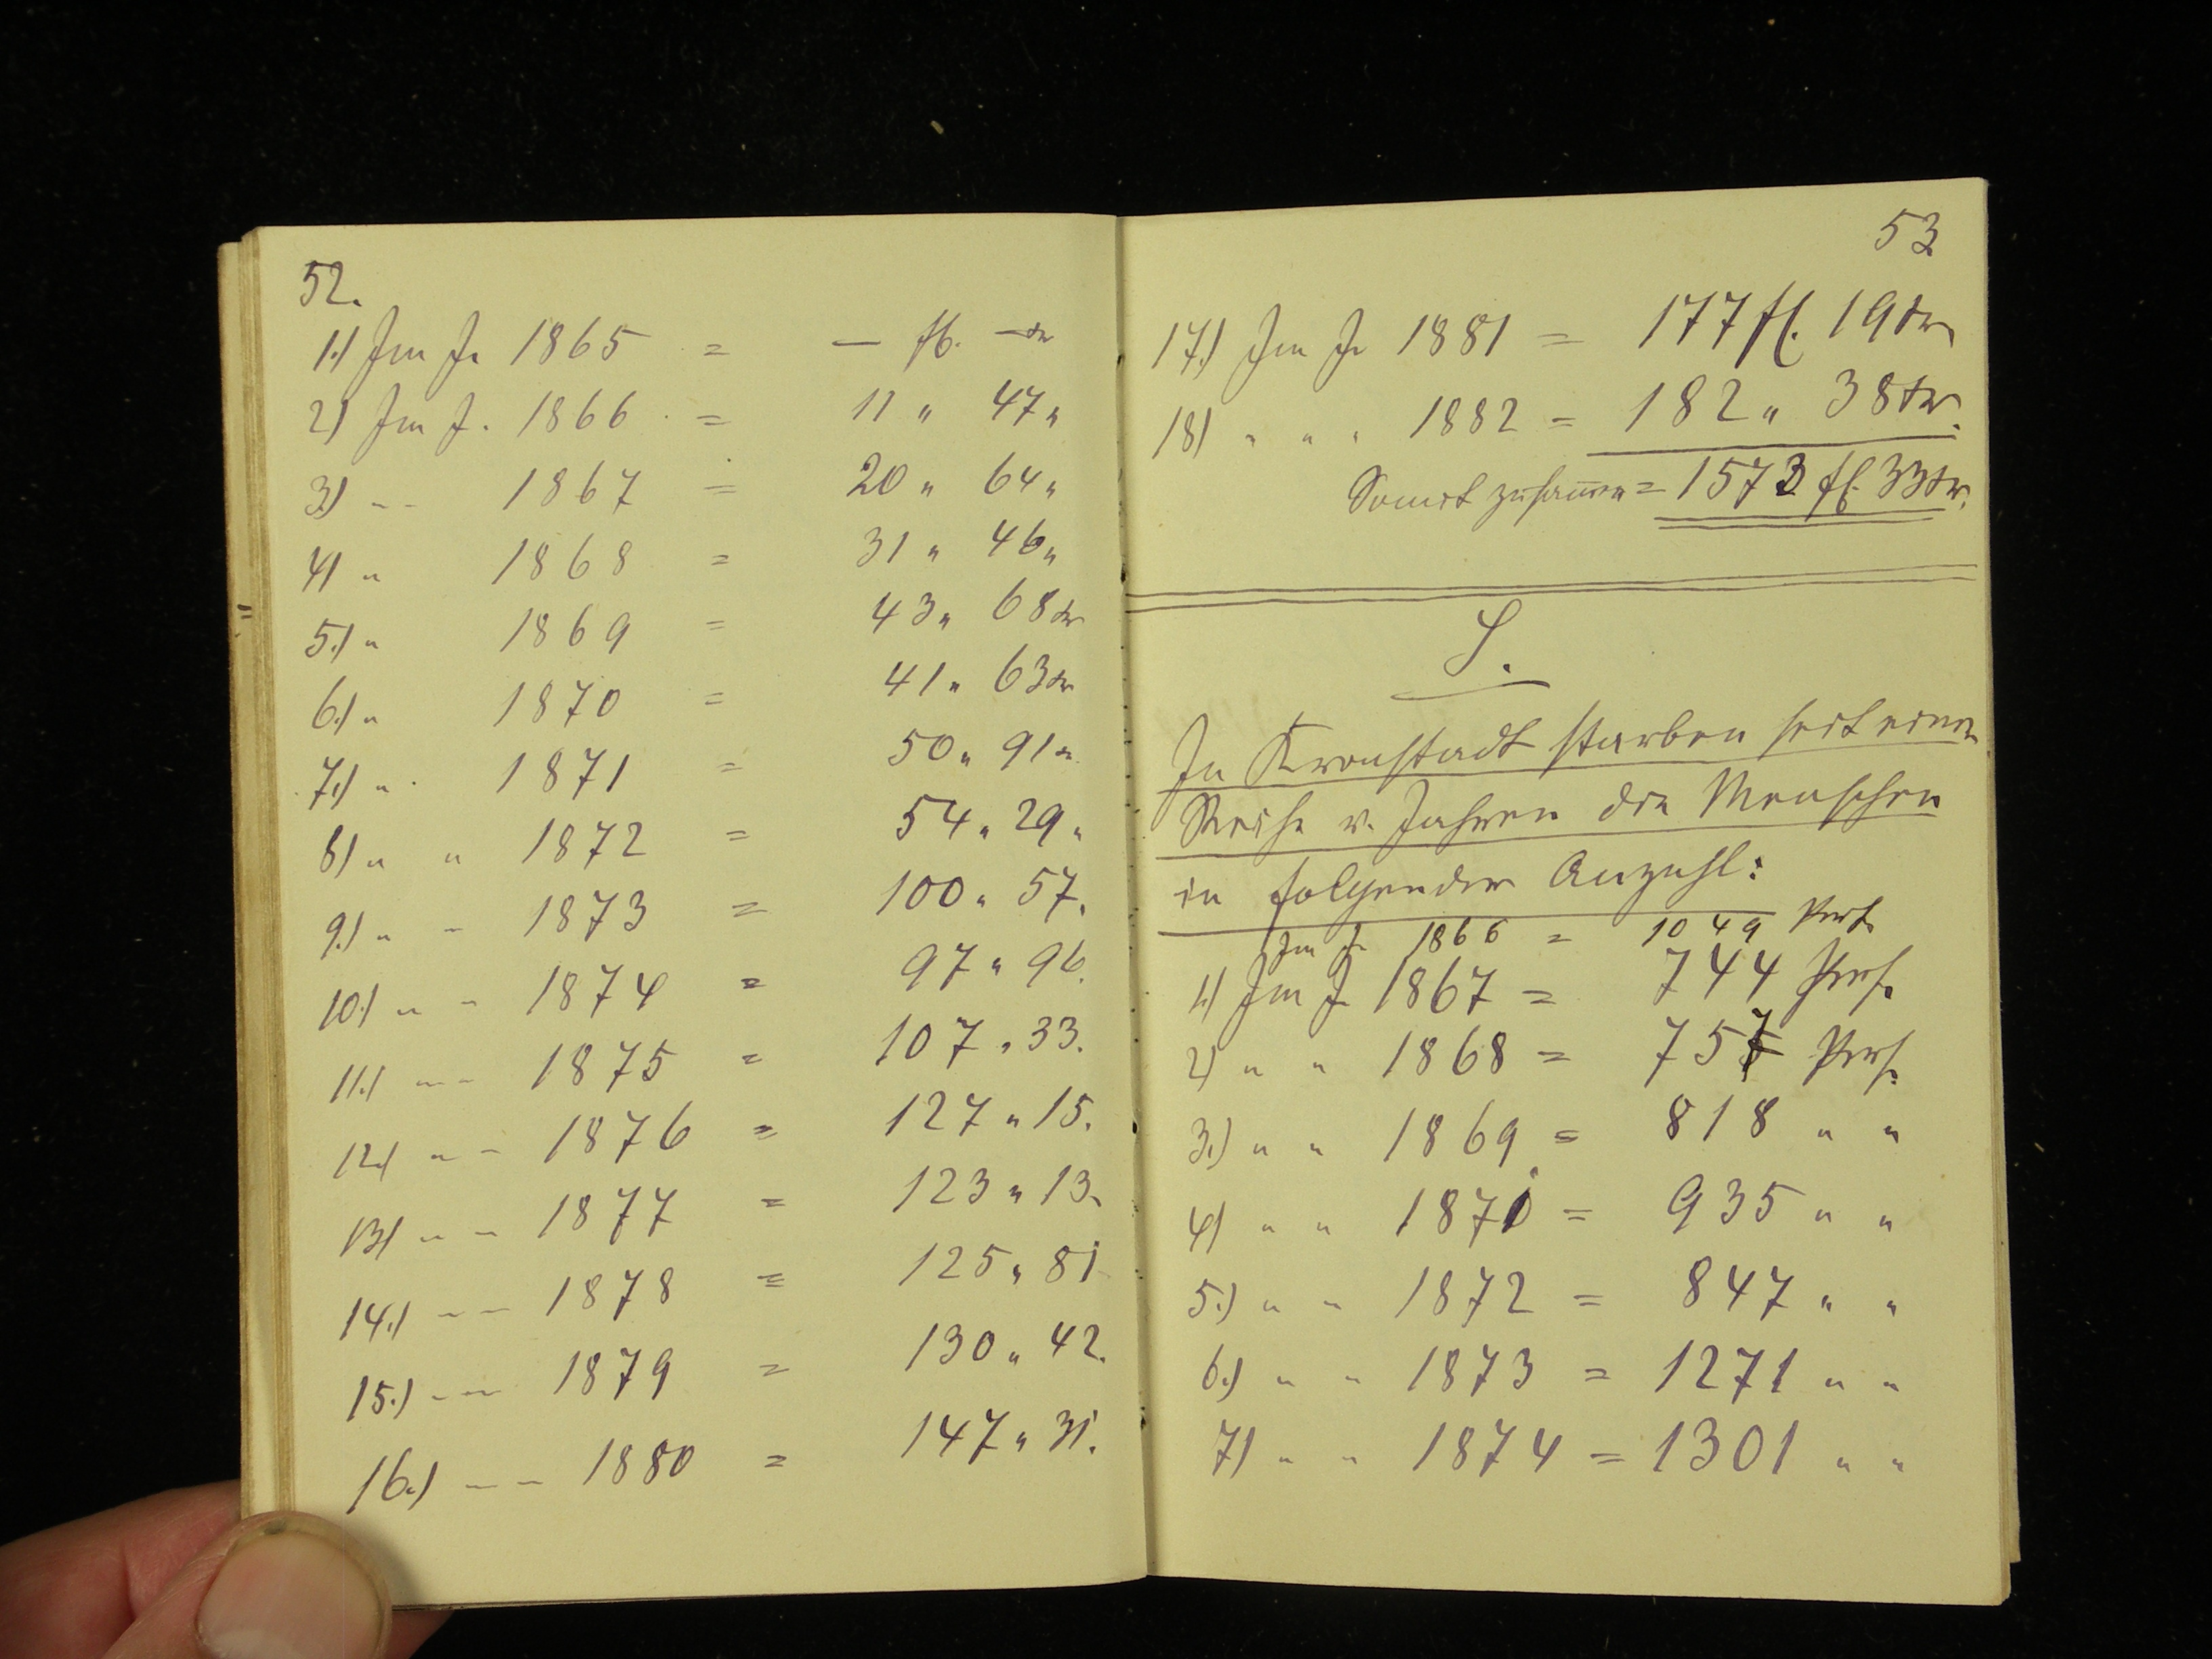52
1.) Im Jahre 1865 = - fl -- tr
2.) * 1866 = 11 * 47 *
3.) * 1867 = 20 * 64 *
4.) * 1868 = 31 * 46 *
5.) * 1869 = 43 * 68 *
6.) * 1870 = 41 * 63 *
7.) * 1871 = 50 * 91 *
8.) * 1872 = 54 * 29 *
9.) * 1873 = 100 * 57 *
10.) * 1874 = 97 * 96 *
11.) * 1875 = 107 * 33 *
12.) * 1876 = 127 * 15 *
13.) * 1877 = 123 * 13 *
14.) * 1878 = 125 * 81 *
15.) * 1879 = 130 * 42 *
16.) * 1880 = 147 * 31 *
53
17.) Im J. 1881 = 177 * 19 *
18.) * 1882 = 182 * 38 *
Somit zusammen = 1573 Fl. 33 Tr.
S
In Kronstadt starben seit einer
Reihe von Jahren die Menschen
in folgender Anzahl:
Im Jahr 1866 = 1049 Personen
1.) * 1867 = 744 *
2.) * 1868 = 757 *
3.) * 1869 = 818 *
4.) * 1871 = 935 *
5.) * 1872 = 847 *
6.) * 1873 = 1271 *
7.) * 1874 = 1301 *